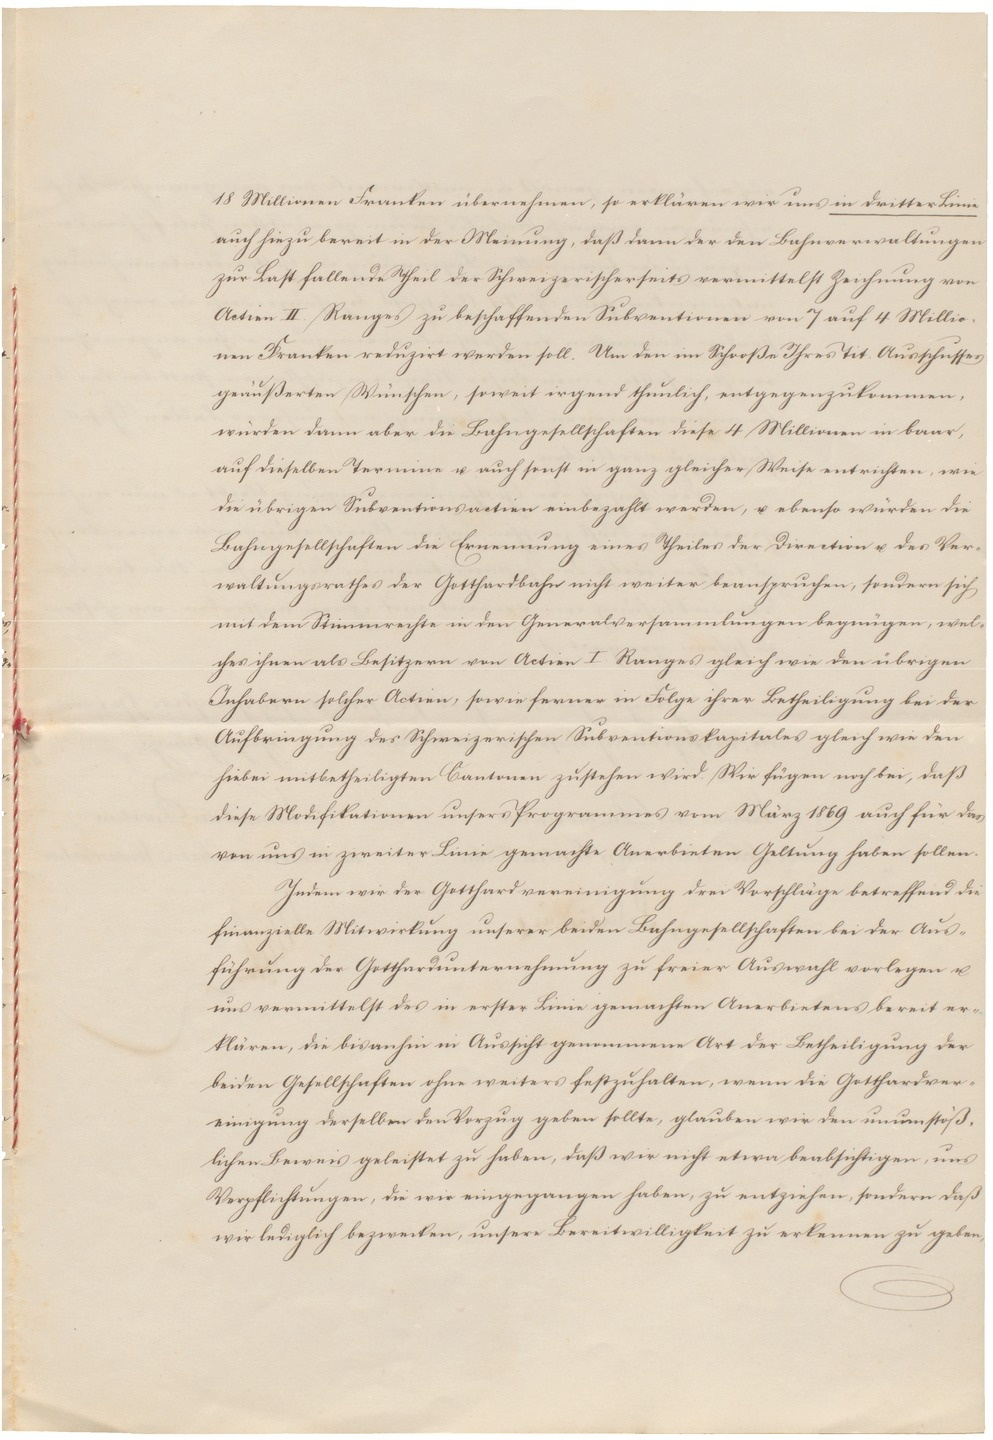18 Millionen Franken übernehmen, so erklären wir uns in dritter Linie
auch hiezu bereit in der Meinung, daß dann der den Bahnverwaltungen
zur Last fallende Theil der Schweizerischerseits vermittelst Zeichnung von
Actien II. Ranges zu beschaffenden Subventionen von 7 auf 4 Millio-
nen Franken reduzirt werden soll. Um den im Schooße Ihres Tit. Ausschusses
geäußerten Wünschen, soweit irgend thunlich, entgegenzukommen,
würden dann aber die Bahngesellschaften diese 4 Millionen in baar,
auf dieselben Termine & auch sonst in ganz gleicher Weise entrichten, wie
die übrigen Subventionsactien einbezahlt werden, & ebenso würden die
Bahngesellschaften die Ernennung eines Theiles der Direction & des Ver-
waltungsrathes der Gotthardbahn nicht weiter beanspruchen, sondern sich
mit dem Stimmrechte in den Generalversammlungen begnügen, wel-
ches ihnen als Besitzern von Actien I. Ranges gleich wie den übrigen
Inhabern solcher Actien, sowie ferner in Folge ihrer Betheiligung bei der
Aufbringung des Schweizerischen Subventionskapitales gleich wie den
hiebei mitbetheiligten Cantonen zustehen wird. Wir fügen noch bei, daß
diese Modifikationen unsers Programmes vom März 1869 auch für das
von uns in zweiter Linie gemachte Anerbieten Geltung haben sollen.
Indem wir der Gotthardvereinigung drei Vorschläge betreffend die
finanzielle Mitwirkung unserer beiden Bahngesellschaften bei der Aus-
führung der Gotthardunternehmung zu freier Auswahl vorlegen &
uns vermittelst des in erster Linie gemachten Anerbietens bereit er-
klären, die bisanhin in Aussicht genommene Art der Betheiligung der
beiden Gesellschaften ohne weiters festzuhalten, wenn die Gotthardver-
einigung derselben den Vorzug geben sollte, glauben wir den unumstöß-
lichen Beweis geleistet zu haben, daß wir nicht etwa beabsichtigen, uns
Verpflichtungen, die wir eingegangen haben, zu entziehen, sondern daß
wir lediglich bezwecken, unsere Bereitwilligkeit zu erkennen zu geben,